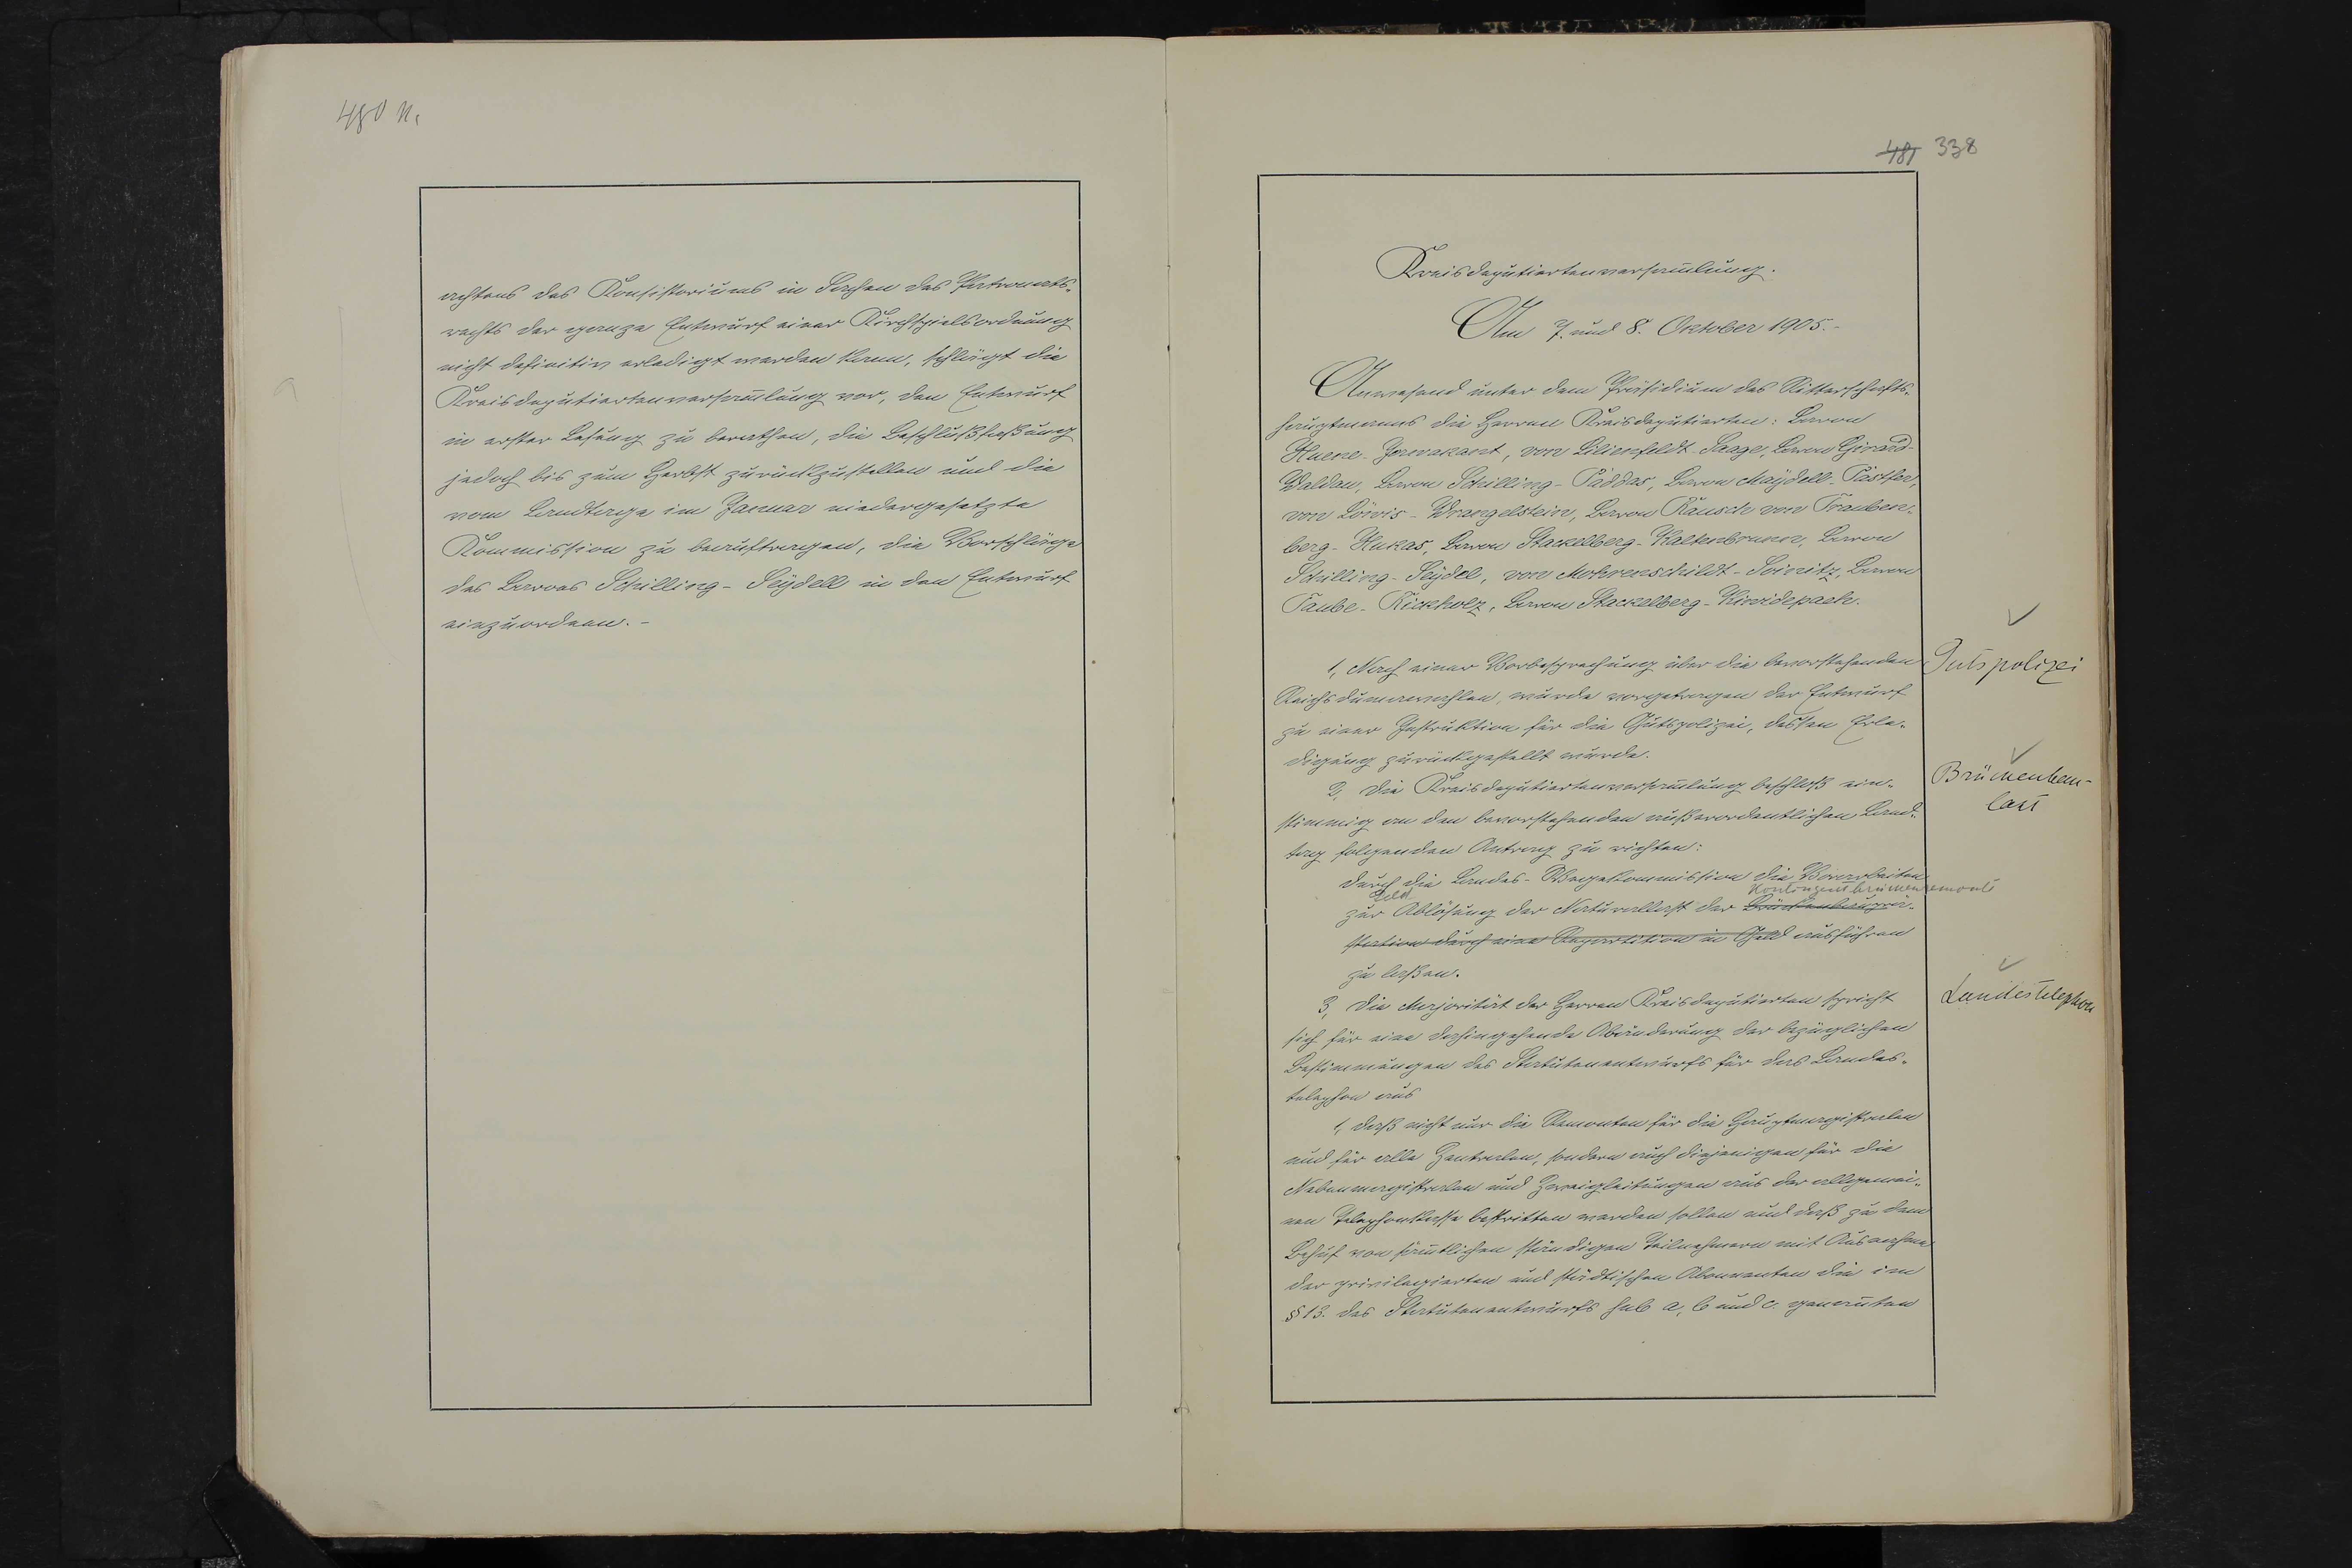achtens des Konsistoriums in Sachen des Patronats-
rechts der ganze Entwurf einer Kirchspielsordnung
nicht definitiv erledigt werden kann, schlägt die
Kreisdeputiertenversammlung vor, den Entwurf
in erster Lesung zu berathen, die Beschlußfaßung
jedoch bis zum Herbst zurückzustellen und die
vom Landtage im Januar niedergesetzte
Kommission zu beauftragen, die Vorschläge
des Barons Schilling-Seydell in den Entwurf
einzuordnen.
Kreisdeputiertenversammlung.
Am 7. und 8. Oktober 1905.
Anwesend unter dem Präsidium des Ritterschafts-
hauptmanns dieHerren Kreisdeputierten: Baron
Huene-Jerwakant, von Lilienfeld-Saage, Baron Girard-
Waldau, Baron Schilling-Paddas, Baron Maydell-Pastfer,
von Löwis-Wrangelstein, Baron Rausch von Trauben-
berg-Hukas, Baron Stackelberg-Kaltenbrunn, Baron
Schilling-Seydel, von Mohrenschildt-Soinitz, Baron
Taube-Rickholz, Baron Stackelberg-Kiwidepaeh.
1. Nach einer Vorbesprechung über die bevorstehenden
Reichsdumawahlen, wurde vorgetragen der Entwurf
zu einer Instruktion für die Gutspolizei, dessen Erle-
digung zurückgestellt wurde.
2. Die Kreisdeputiertenversammlung beschloß ein-
stimmig an den bevorstehenden außerordentlichen Land-
tag folgenden Antragzu richten:
Durch die Landes-Wegekommission die Vorarbeiten
Geld
Kontingentbrückenremonte
zur Ablösung der Naturallast der Brückenbauprä-
station durch eine Repartition in Geld ausführen
zu laßen.
3. Die Majorität der Herren Kreisdeputierten spricht
sich für eine dahingehende Abänderung der bezüglichen
Bestimmungen des Statutenentwurfs für das Landes-
telephon aus
1. daß nicht nur die Remonten für die Hauptmagistralen
und für alle Zentralen, sondern auch diejenigen für die
Nebenmagistralen und Zweigleitungen aus der allgemei-
nen Telephonkasse bestritten werden sollen und daß zu dem
Behuf von sämmtlichen ständigen Teilnehmern mit Ausnahme
der privilegierten und städtischen Abonnenten die im
§ 13. des Statutenentwurfs sub a, b und c. genannten
Gutspolizei
Brückenbau-
last
Landes Telephon